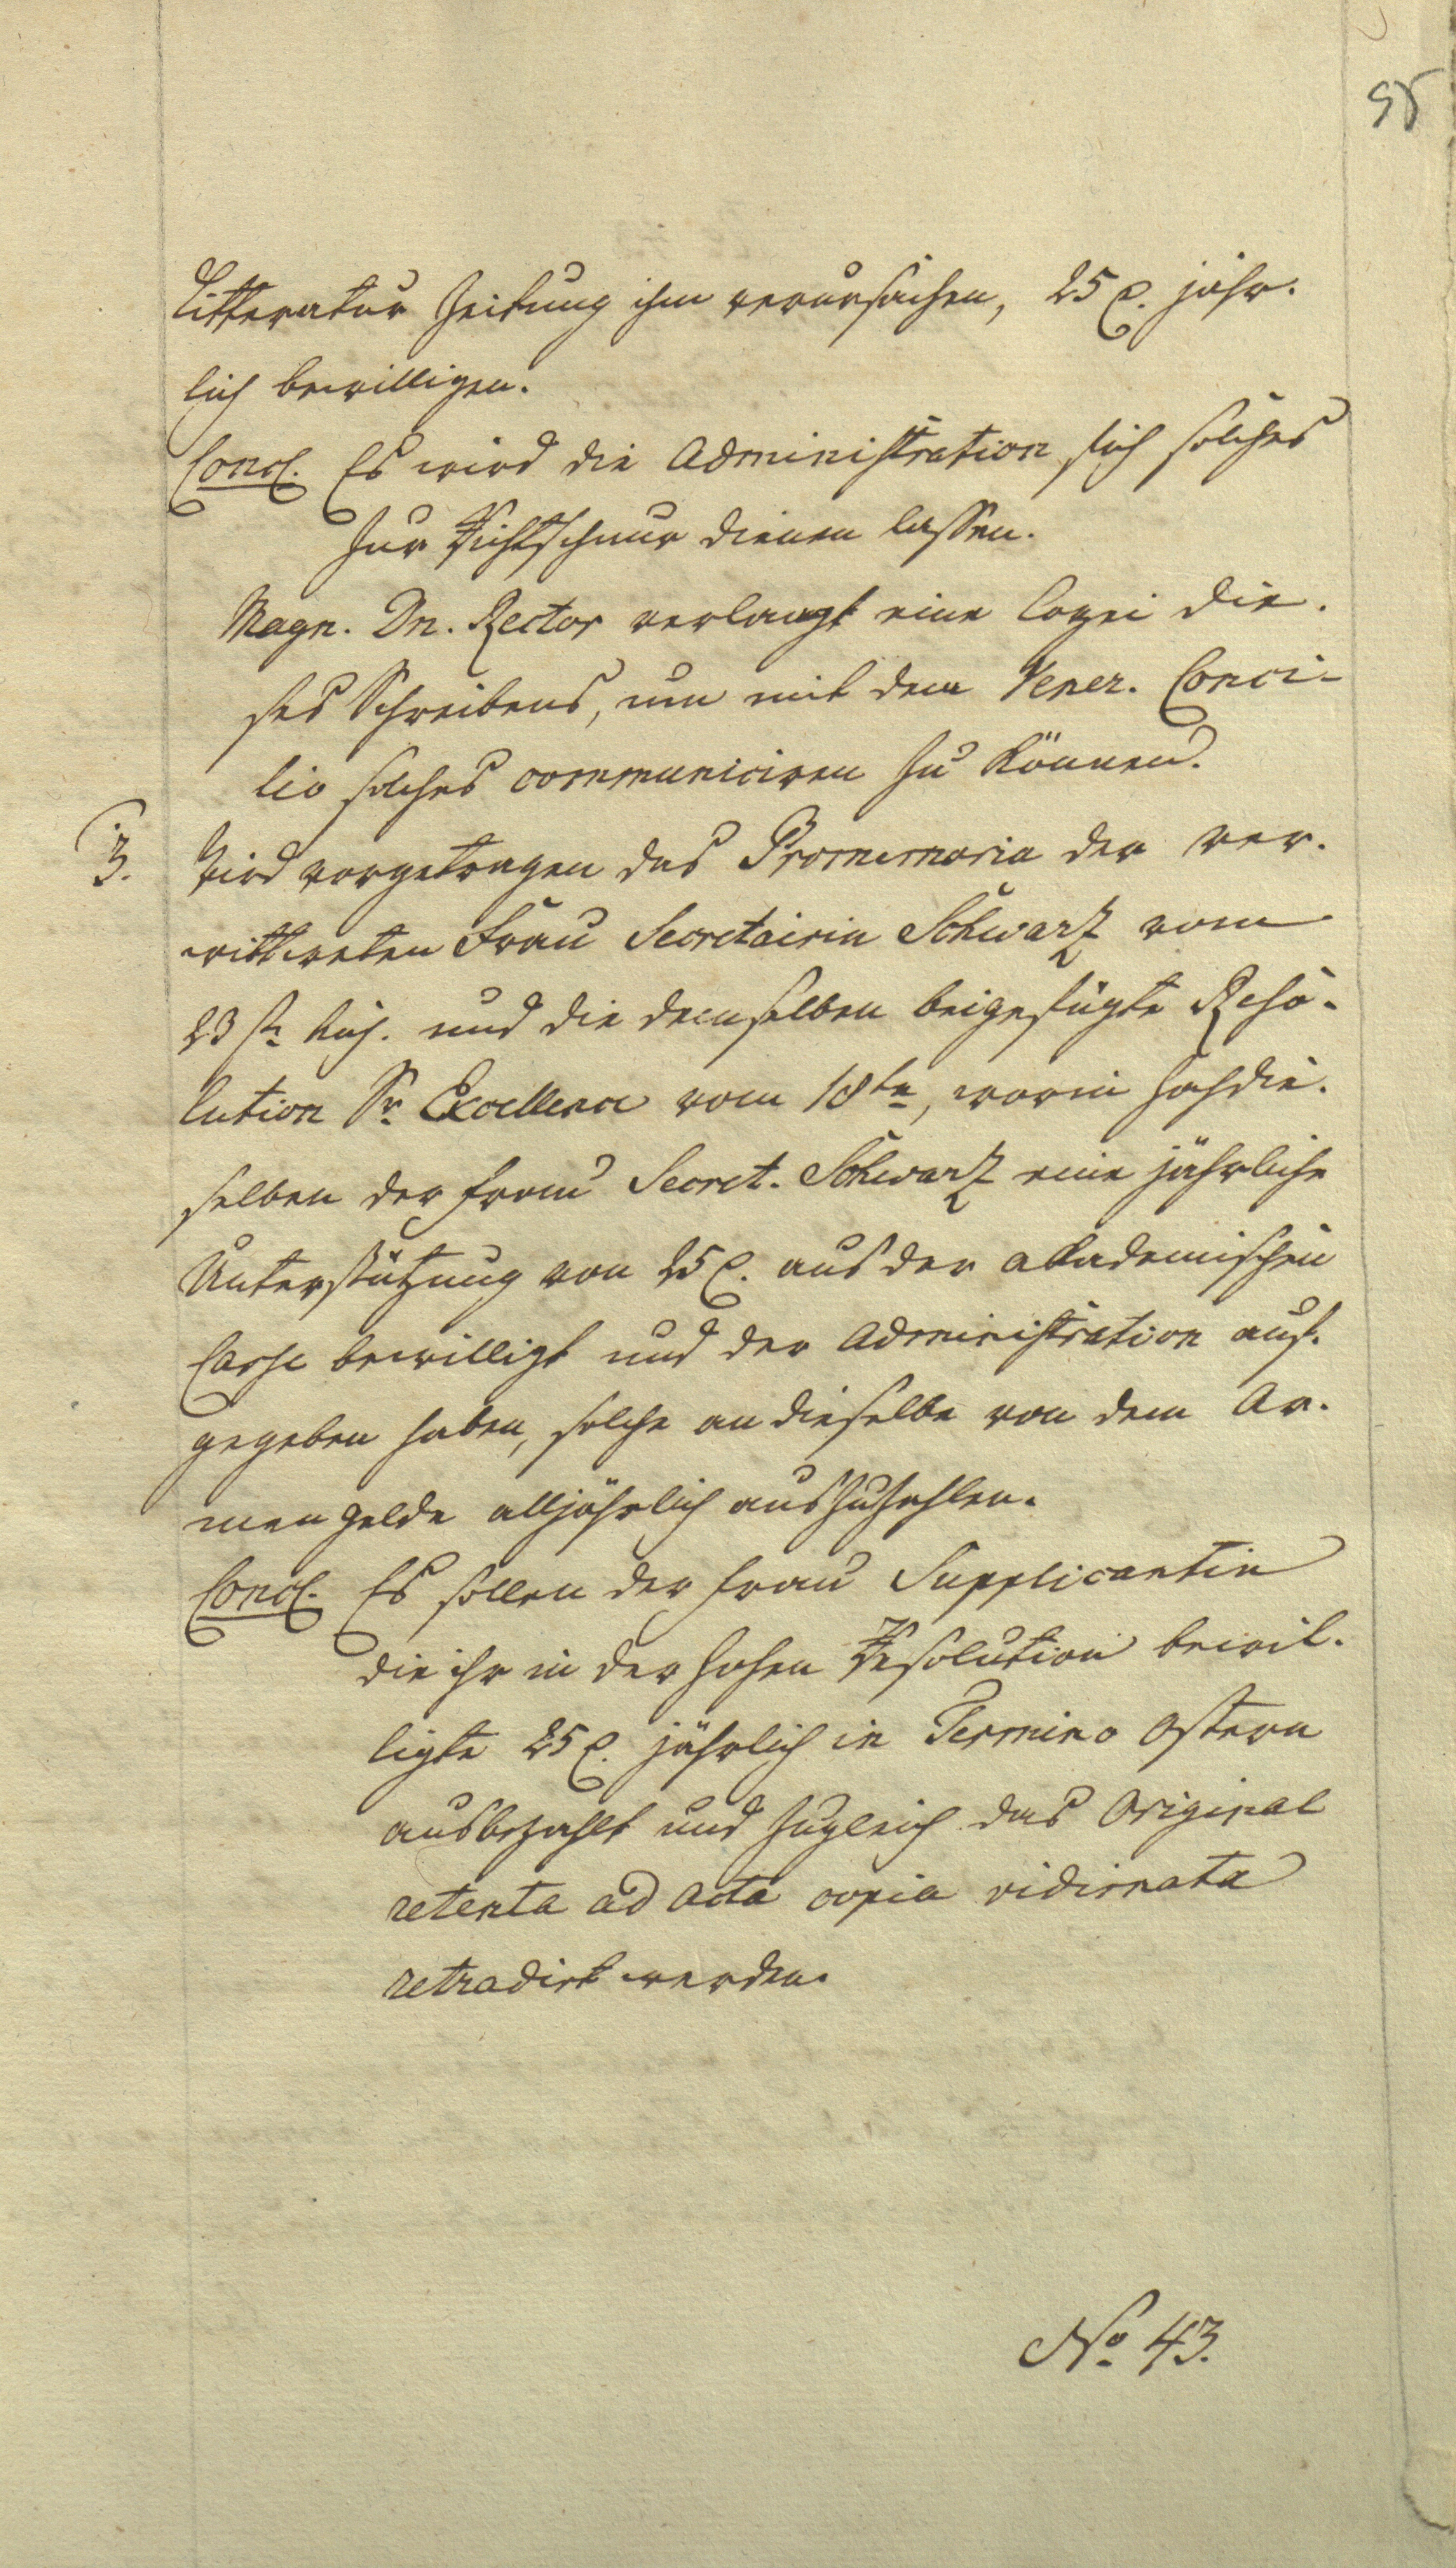Litteratur Zeitung ihm verursachen, 25 l. jähr¬
lich bewilligen.
Concl. Es wird die Administration sich solches
zur Richtschnur dienen lassen.
Magn. Dn. Rector verlangt eine Copei die¬
ses Schreibens, um mit dem Vener. Conci¬
lio solches communiciren zu können.
3. Wird vorgetragen das Promemoria der ver¬
wittweten Frau Secretairin Schwarz vom
23 st huj. und die demselben beigefügte Reso-
lution Sr Excellence vom 18 te, worin Hochdie¬
selben der Frau Secret. Schwarz eine jährliche
Unterstützung von 25 l. aus der akademischen
Casse bewilligt und der Administration auf¬
gegeben haben, solche an dieselbe von dem Ar¬
mengelde alljährlich auszuzahlen.
Concl. Es sollen der Frau Supplicantin
die ihr in der hohen Resolution bewil¬
ligte 25 l. jährlich in Termino Ostern
ausbezahlt und zugleich das Original
retenta ad acta copia vidimata
retradirt werden.
No 43.